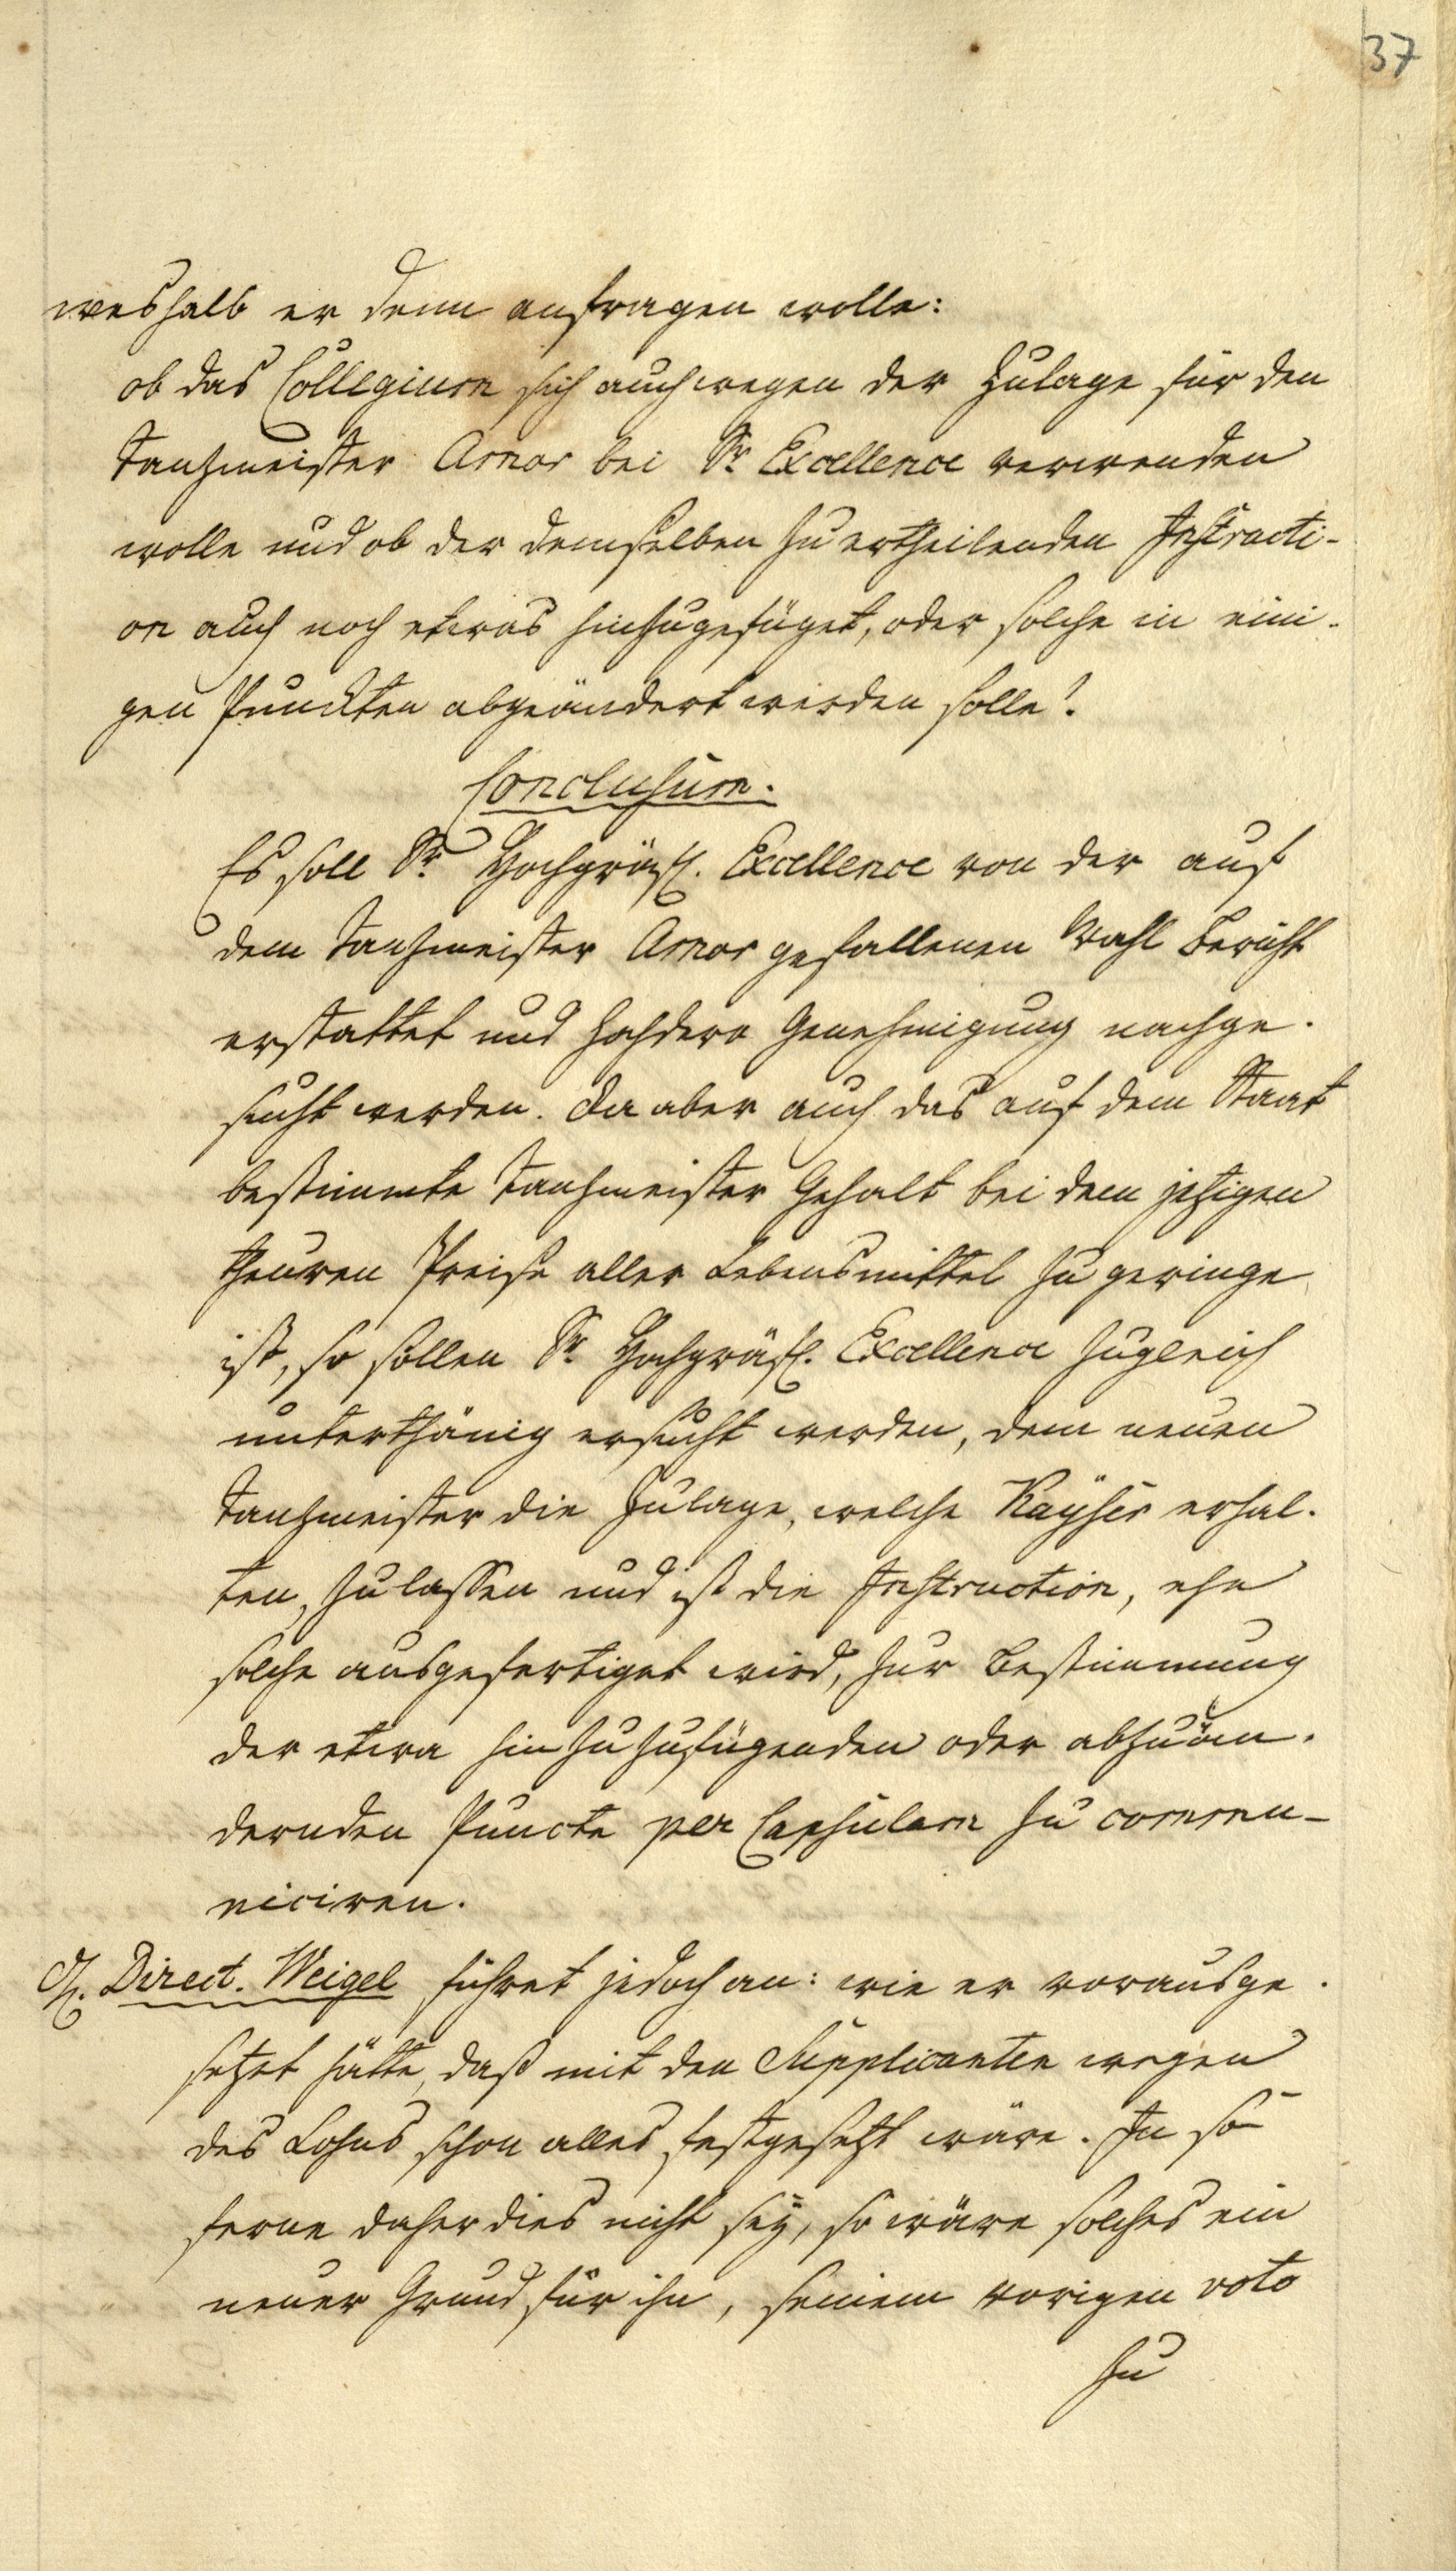weshalb er denn anfragen wolle:
ob das Collegium sich auch wegen der Zulage für den
Tanzmeister Amor bei Sr. Excellence verwenden
wolle und ob der demselben zu ertheilenden Instructi-
on auch noch etwas hinzugefüget, oder solche in eini-
gen Punkten abgeändert werden solle?
Conclusum.
Es soll Sr. Hochgräf. Excellence von der auf
dem Tanzmeister Amor gefallenen Wahl Bericht
erstattet und hochdero Genehmigung nachge-
sucht werden. Da aber auch das auf dem Staat
bestimmte Tanzmeister Gehalt bei dem jetzigen
theuren Preise aller lebensmittel zu geringe
ist, so sollen Sr. Hochgräf. Excellence zugleich
unterthänig ersucht werden, dem neuen
Tanzmeister die Zulage, welche Kayser erhal-
ten, zu lassen und ist die Instruction, ehe
solche ausgefertiget werid, zur Bestimmung
der etwa hinzuzufügenden oder abzuän-
dernden Puncte per Capsulam zu commu-
niciren.
dh. Direct. Weigel führet jedoch an: wie er vorausge-
setzet hätte, daß mit den Supplicanten wegen
des Lohns schon alles festgesetzt wäre. In so-
ferne daher dies nicht sey, so wäre solches ein
neuer Grund für ihn, seinem vorigen voto
zu